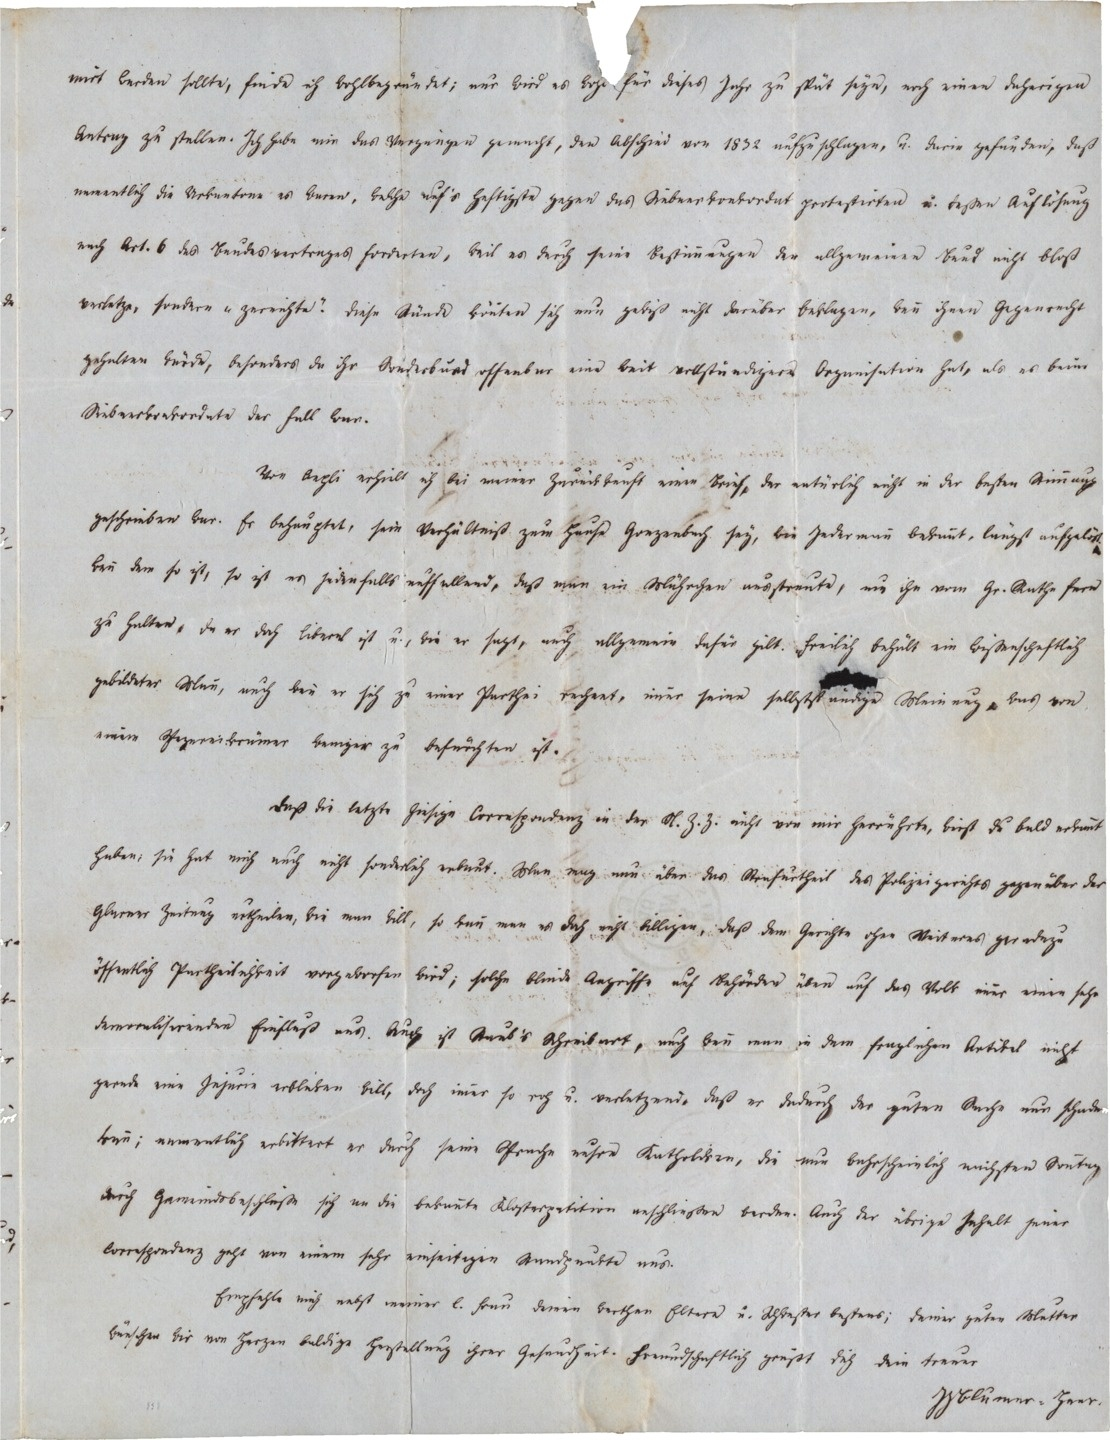mirt werden sollte, finde ich wohlbegründet; nur wird es wohl für dieses Jahr zu spät seyn, noch einen daherigen
Antrag zu stellen. Ich habe mir das Vergnügen gemacht, den Abschied von 1832 aufzuschlagen, u. darin gefunden, daß
namentlich die Urkantone es waren, welche auf's heftigste gegen das Siebnerkonkordat protestirten u. dessen Auflösung
nach Art. 6 des Bundesvertrages forderten, weil es durch seine Bestimmungen den allgemeinen Bund nicht bloß
verletze, sondern «zernichte». Diese Stände könnten sich nun gewiß nicht darüber beklagen, wenn ihnen Gegenrecht
gehalten würde, besonders da ihr Sonderbund offenbar eine weit vollständigere Organisation hat, als es beim
Siebnerkonkordate der Fall war.
VonAepli erhielt ich bei meiner Zurückkunft einen Brief, der natürlich nicht in der besten Stimmung
geschrieben war. Er behauptet, sein Verhältniß zum Hause Gonzenbach sey, wie Jedermann bekannt, längst aufgelöst.
Wenn dem so ist, so ist es jedenfalls auffallend, daß man ein Mährchen ausstreute, um ihn vom Gr. Rathe fern
zu halten, da er doch liberal ist u., wie er sagt, auch allgemein dafür gilt. Freilich behält ein wissenschaftlich
gebildeter Mann, auch wenn er sich zu einer Parthei rechnet, immer seine selbstständige Meinung, was von
einem Spezereikrämer weniger zu befürchten ist.
Daß die letzte hiesige Correspondenz in der N.Z.Z. nicht von mir herrührte, wirst du bald erkannt
haben; sie hat mich auch nicht sonderlich erbaut. Man mag nun über das Strafurtheil des Polizeigerichts gegenüber der
Glarner Zeitung urtheilen, wie man will, so kann man es doch nicht billigen, daß dem Gerichte ohne Weiteres geradezu
öffentlich Partheilichkeit vorgeworfen wird; solche blinde Angriffe auf Behörden üben auf das Volk immer einen sehr
demoralisirenden Einfluß aus. Auch ist Staub's Schreibart, auch wenn man in dem fraglichen Artikel nicht
gerade eine Injurie erblicken will, doch immer so roh u. verletzend, daß er dadurch der guten Sache nur schaden
kann; namentlich erbittert er durch seine Sprache unsre Katholiken, die nun wahrscheinlich nächsten Sonntag
durch Gemeindsbeschlüsse sich an die bekannte Klosterpetition anschließen werden. Auch der übrige Inhalt jener
Correspondenz geht von einem sehr einseitigen Standpunkte aus.
Empfehle mich nebst meiner l. Frau, deinen werthen Eltern u. Schwester bestens; deiner guten Mutter
wünschen wir von Herzen baldige Herstellung ihrer Gesundheit. Freundschaftlich grüßt dich dein treuer
J J Blumer-Heer.